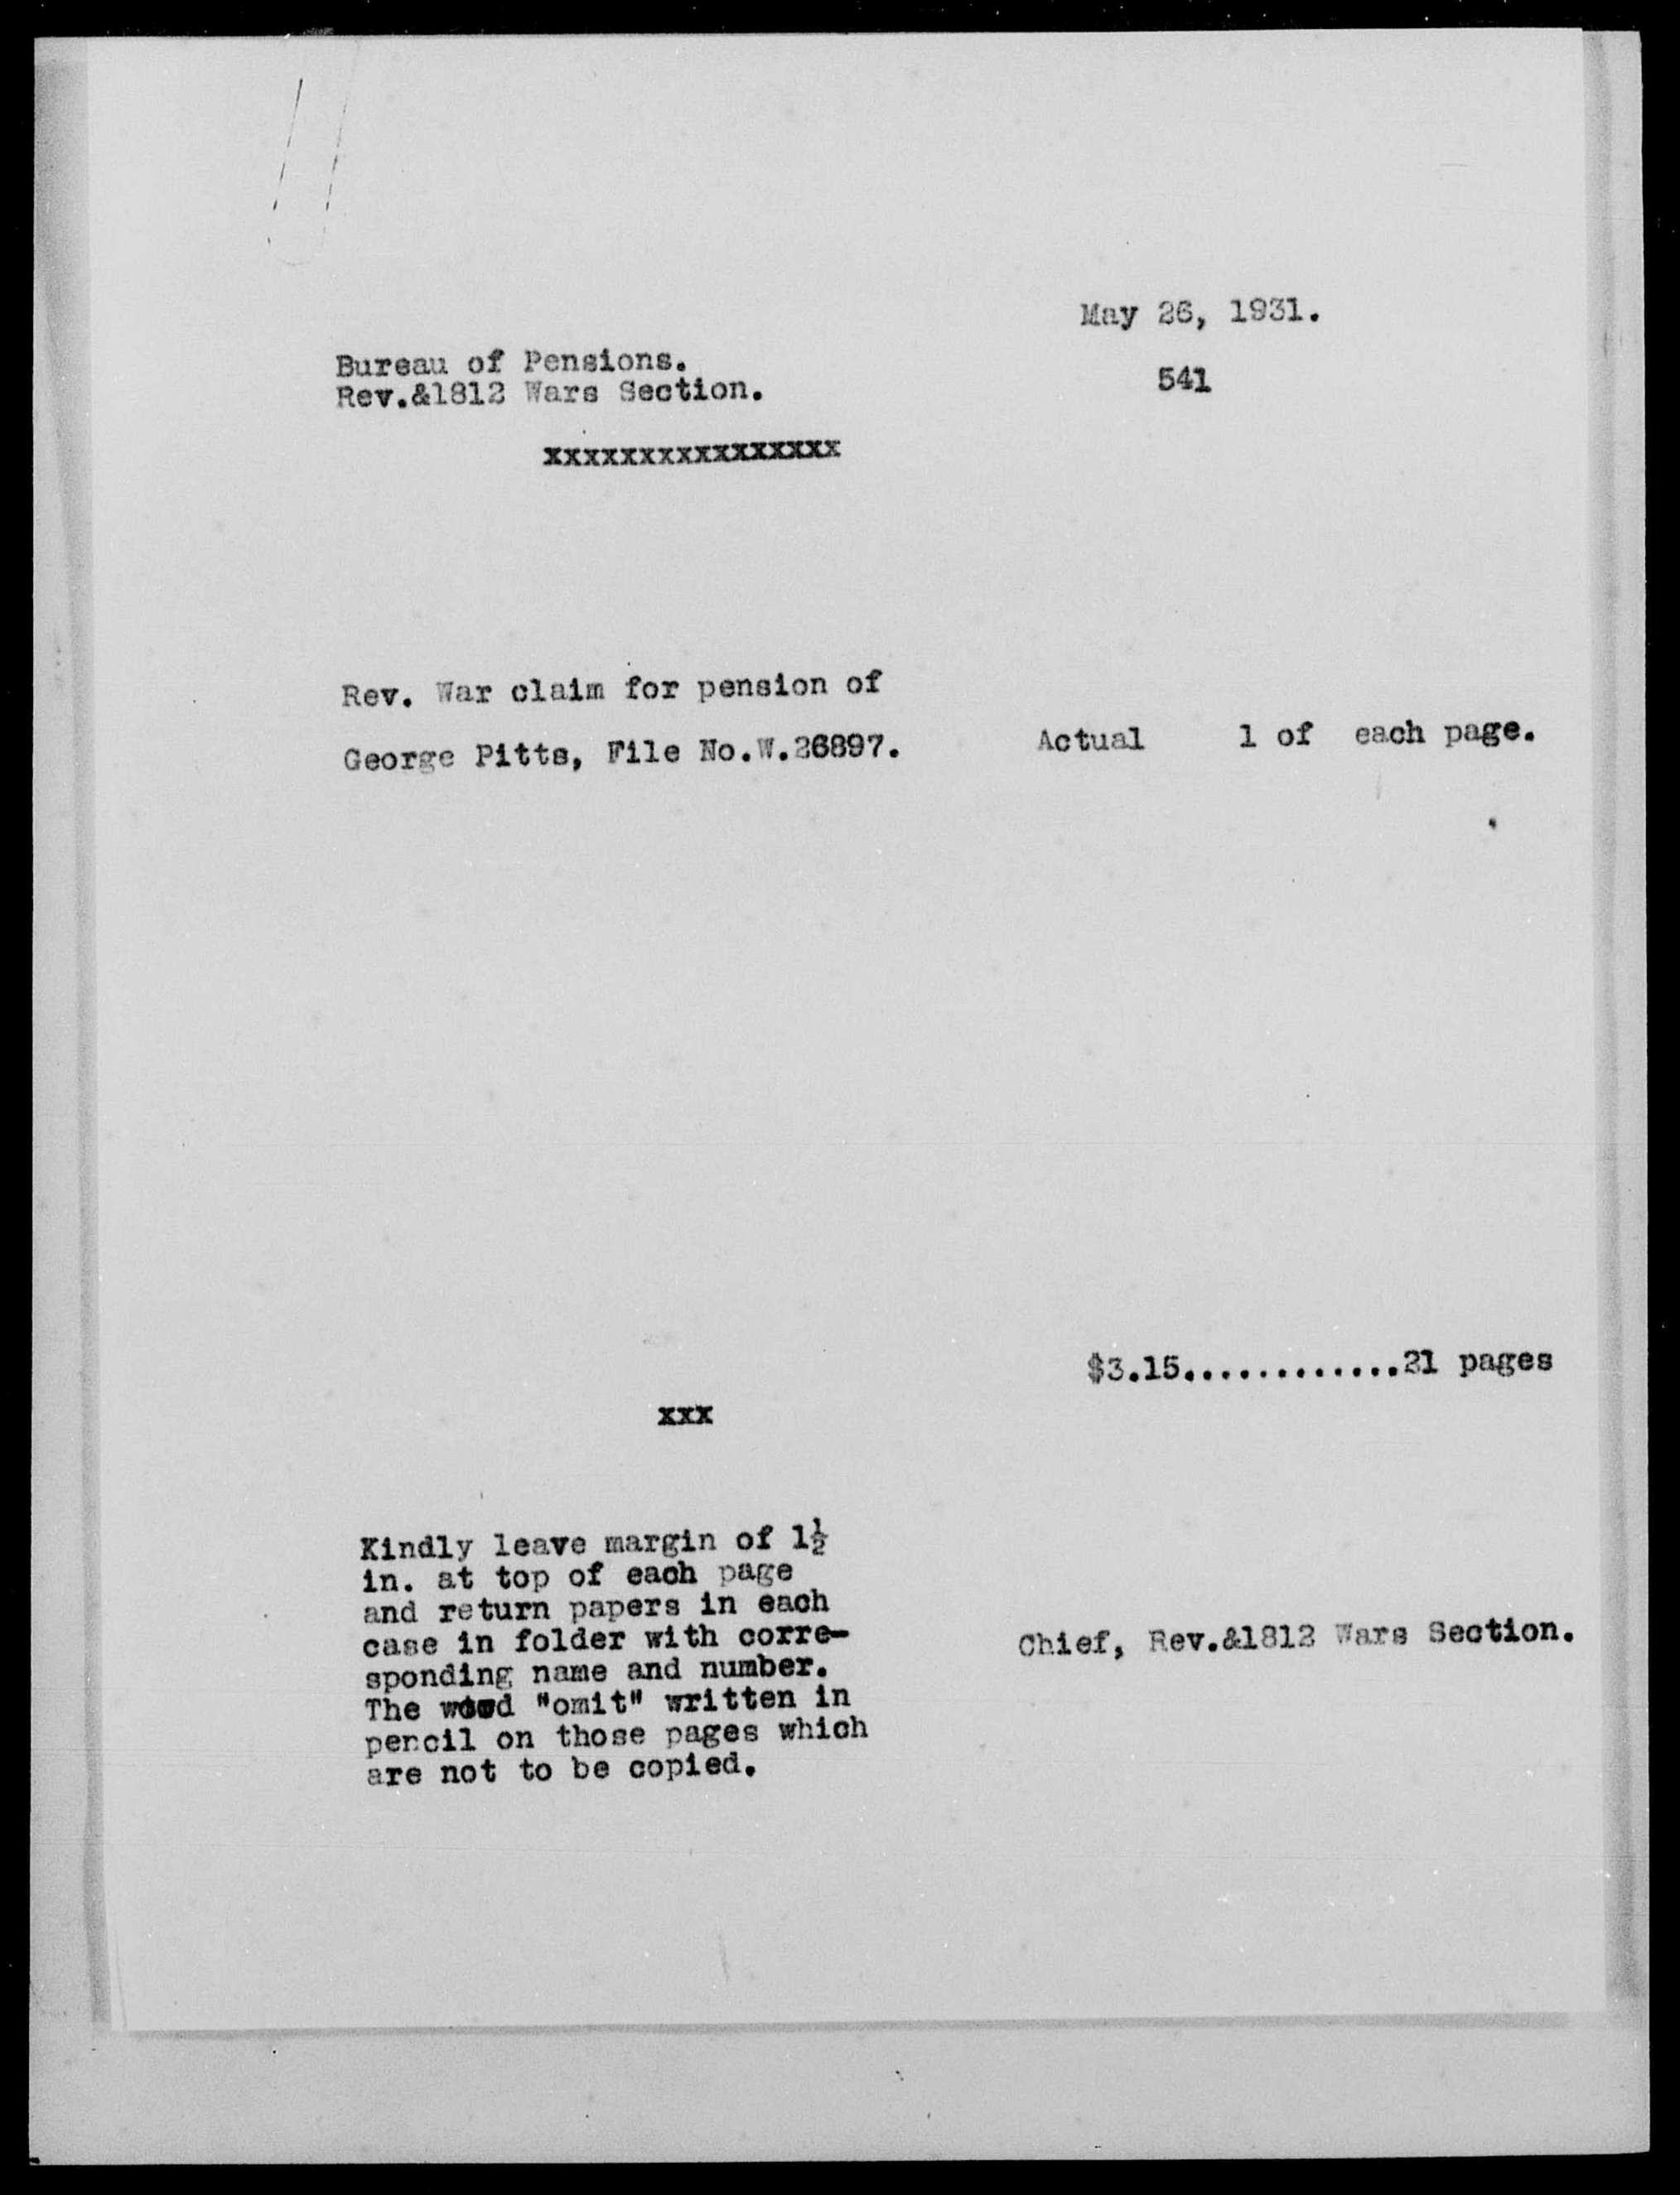May 26, 1931.
541
Bureau of Pensions.
Rev. & 1812 Wars Section.
XX
XX
Rev. War claim for pension of
George Pitts, File No. W. 26897. Actual 1 of each page.
$3.15...........21 pages
Kindly leave margin of 1 & 1/2
in. at top of each page
and return papers in each
case in folder with corresponding
name and number.
The word ""Omit"" written in
pencil on those pages which
are not to be copied.
Chief, Rev.&1812 Wars Section.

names: George Pitts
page: 40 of 54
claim: widow's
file: W. 26,897, for George Pitts, Massachusetts